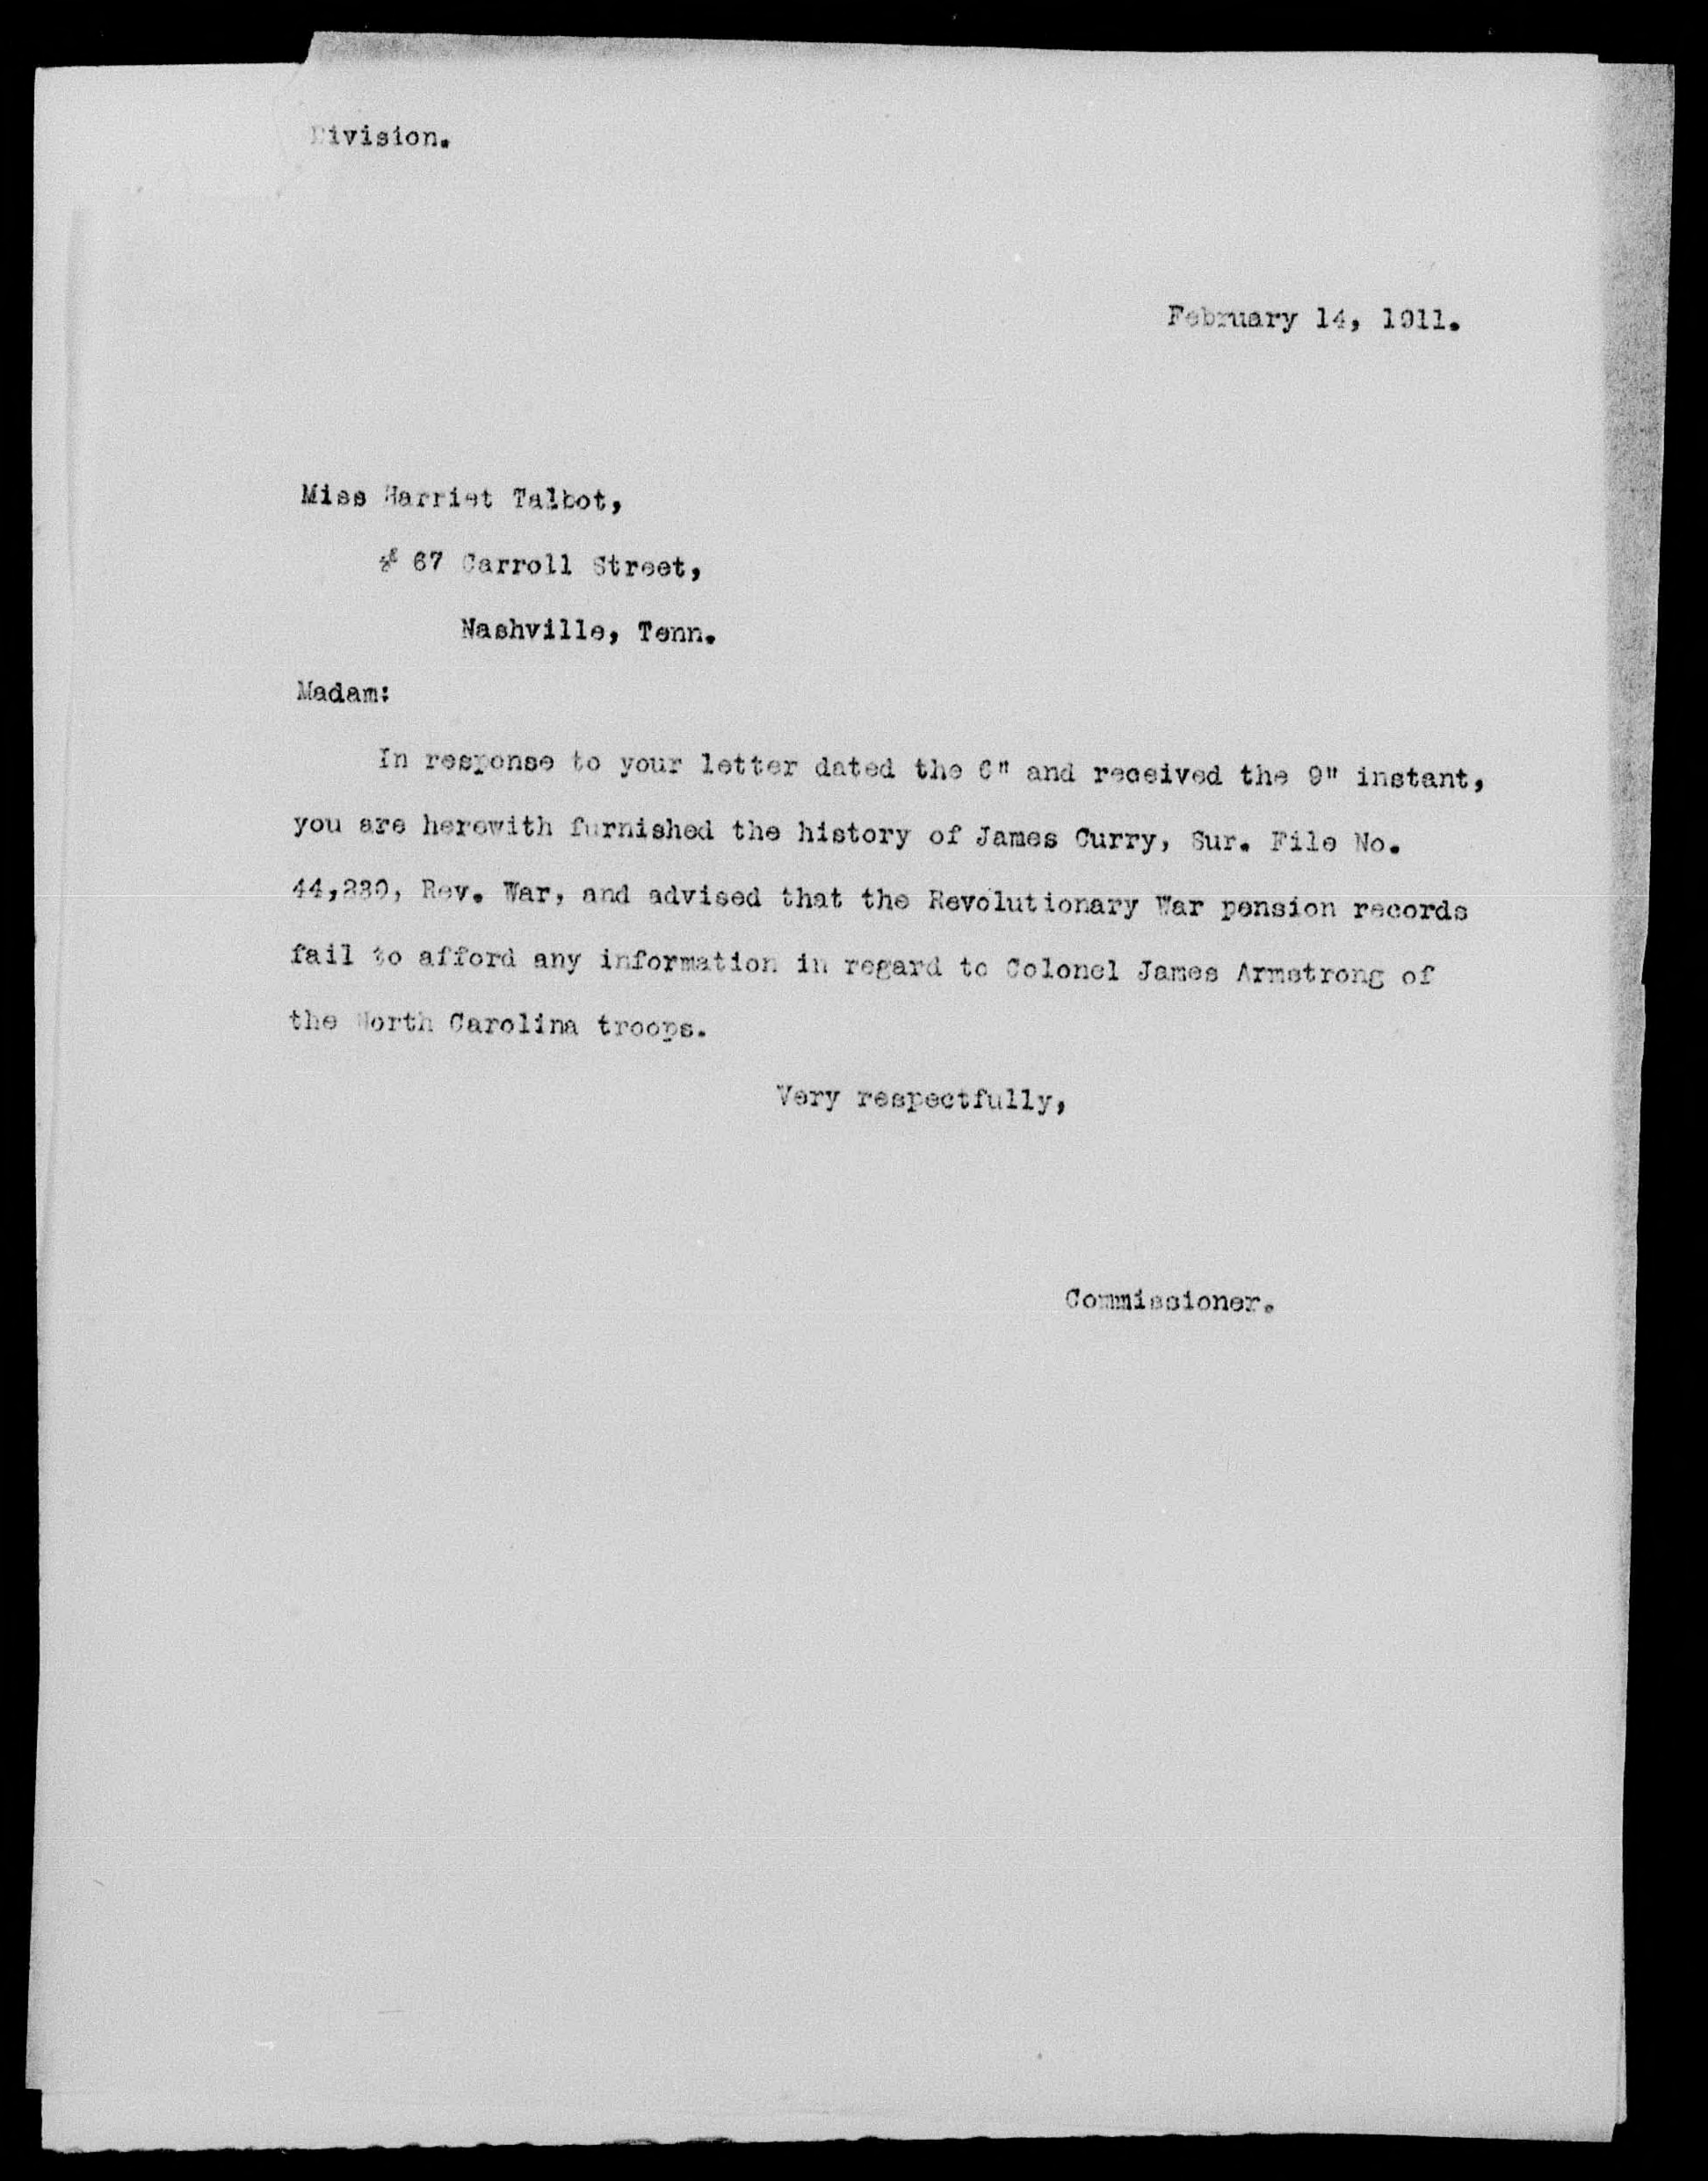Division,
February 14, 1911
Miss Harriet Talbot,
[illegible] 67 Carroll Street,
Nashville, Tenn.
Madam:

In response to your letter dated the 6th and received the 9th instant,
you are herewith furnished the history of James Curry, Sur. File No. 44
,239, Rev. War, and advised that the Revolutionary War pension records
fail to afford any information in regard to Colonel James Armstrong of
the North Carolina troops.
Very respectfully,
Commissioner,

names: James Curry, Harriet Talbot, James Armstrong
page: 31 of 32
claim: survivor's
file: S. 44230, James Curry, Va.